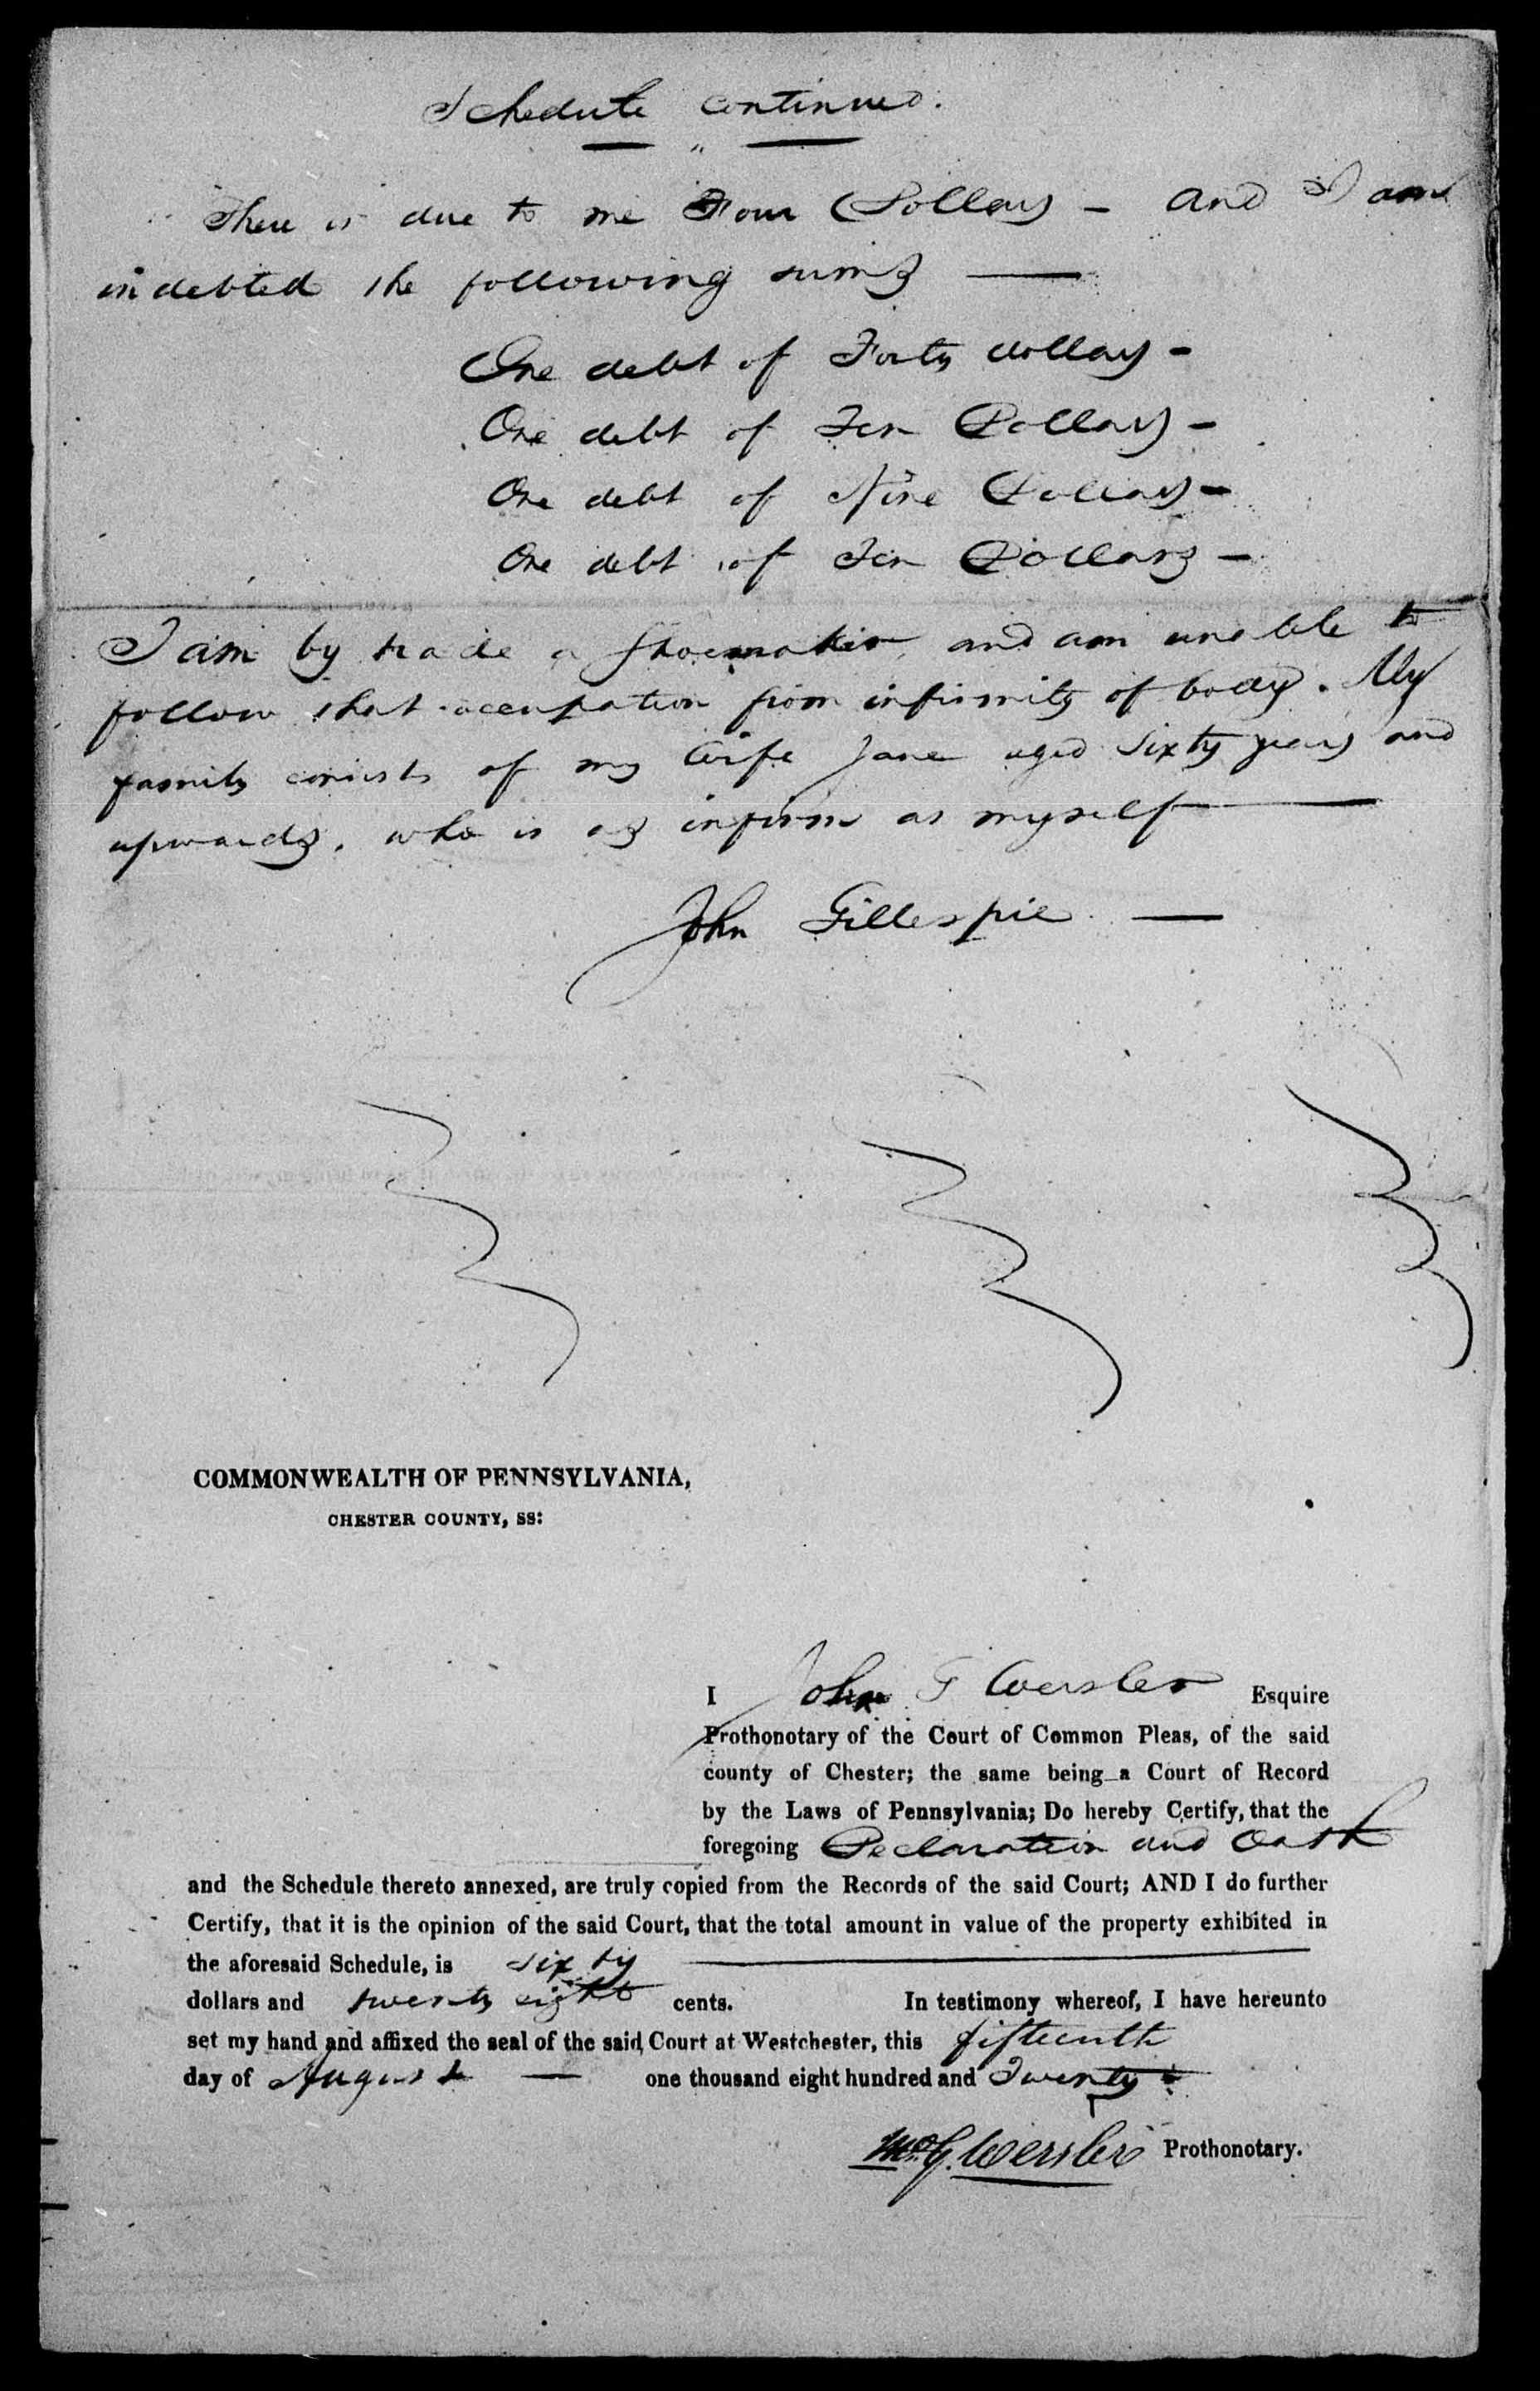Schedule continued
There is due to me four dollars and I am indebted the following [illegible]
One debt of Forty dollars
One debt of Ten dollars
One debt of Five Dollars
One debt of Ten dollars 

I am by trade a shoemaker and am unable to follow that occupation from infirmity of body. My family consists of my wife Jane aged sixty years and upwards, who is as infirm as myself. 

[signature] John Gillespie

Commonwealth of Pennsylvania
Chester County, SS:

I John G Wersler, esquire Prothonotary of the Court of Common Pleas, of the said county of Chester; the same being a Court of Record by the Laws of Pennsylvania; Do hereby Certify, that the foregoing Declaration and oath and the Schedule thereto annexed, are truly copies form the Records of the said Court; and I do further Certify, that it is the opinion of the said Court, that the total amount in value of the property exhibited in the afore Schedule, is sixty dollars and twenty eight cents. In testimony whereof, I have hereunto set my and and affixed the seal of the said Court of Westchester, this fifteenth day of August one thousand eight hundred and Twenty.
[signature] John G. Wersler Prothonotary.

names: Jno G Wersler, John Gillespie, John G Wersler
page: 6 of 20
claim: survivor's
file: S. 41581, John Gillespie, Continental Del.